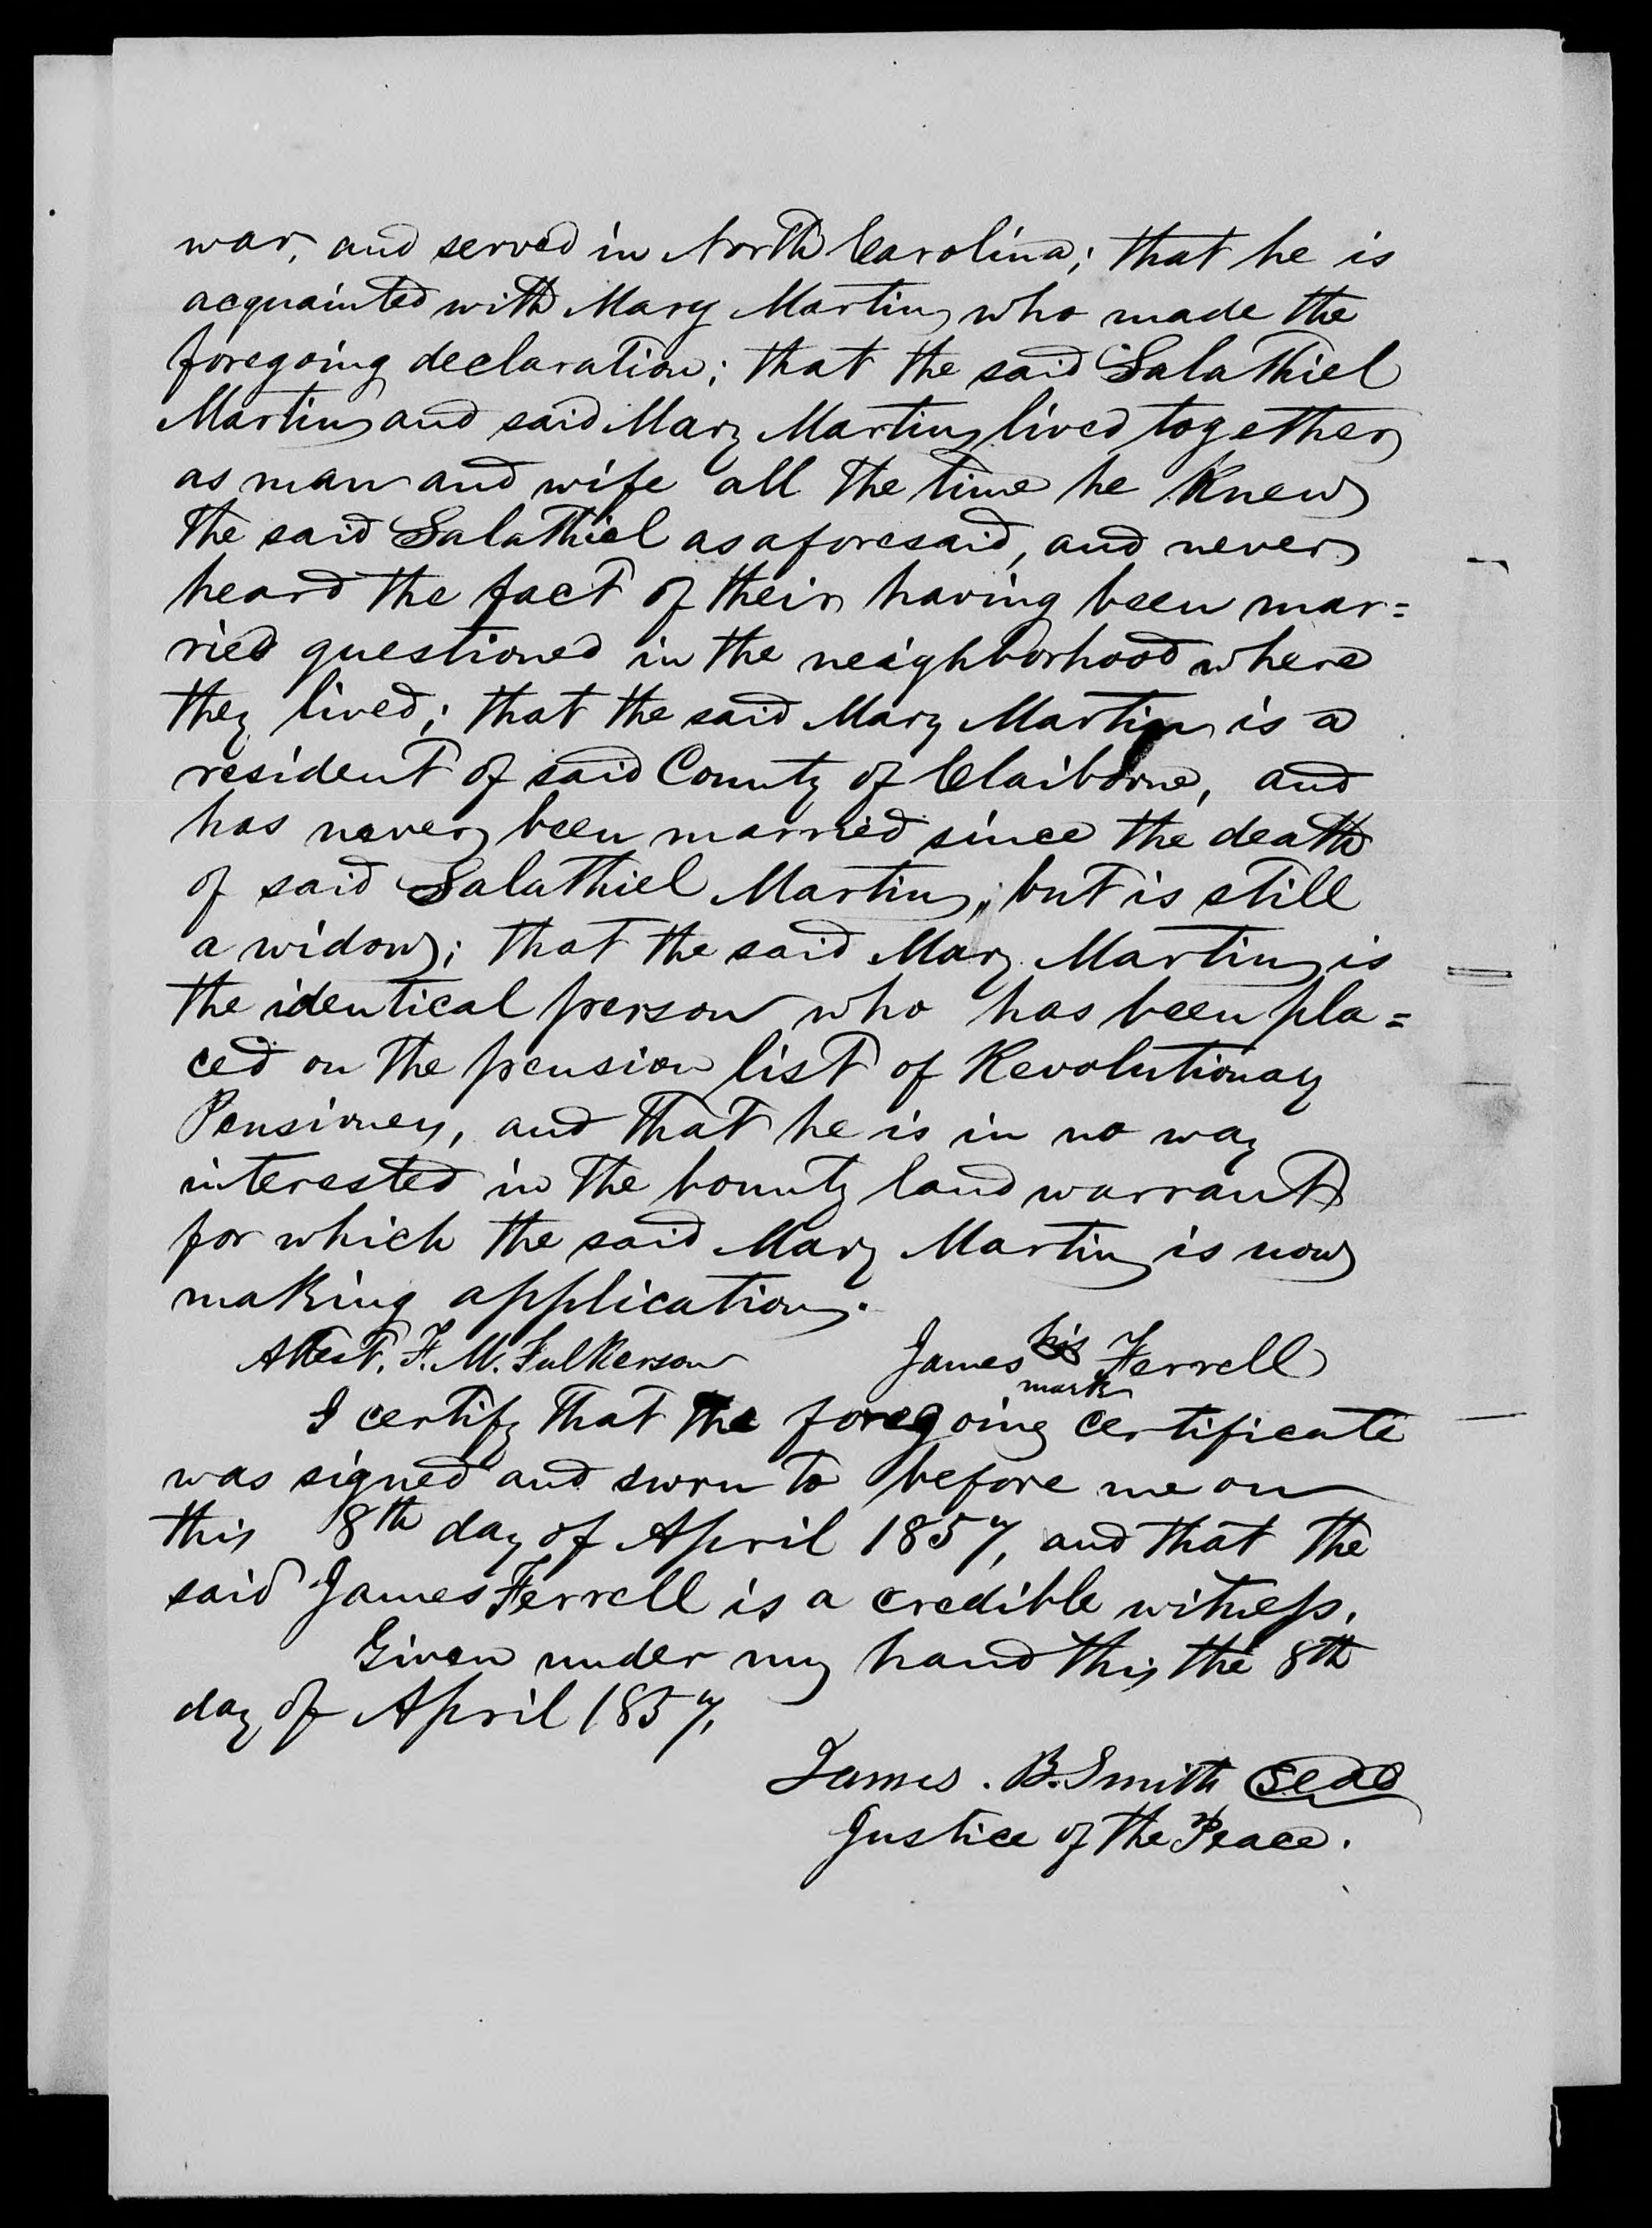war, and served in North Carolina; that he is acquainted with Mary Martin who made the foregoing declaration; that the said Salathiel Martin and said Mary Martin lived together 
as man and wife all the time he knew 
the said Salathiel as aforesaid, and never 
heard the fact of their having been mar=
ried questioned in the neighborhood where they lived; that the said Mary Martin is a resident of said County of Claiborne, and 
has never been married since the death 
of said Salathiel Martin; but is still 
a widow; that the said Mary Martin is
the identical person who has been pla=
ced on the pension list of Revolutionary Pensioners, and that he is in no way 
interested in the bounty land warrant 
for which the said Mary Martin is now 
making application. 
James his x mark Ferrell 
Attest F M. Fulkerson 
I certify that the foregoing certificate 
was signed and sworn to before me on 
this 18th day of April 1857, and that the 
said James Ferrell is a credible witness. 
Given under my hand this the 8th 
day of April 1857. 
James. B. Smith (seal) 
Justice of the Peace.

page: 14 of 120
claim: widow's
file: W. 1044, for Salathiel Martin, North Carolina